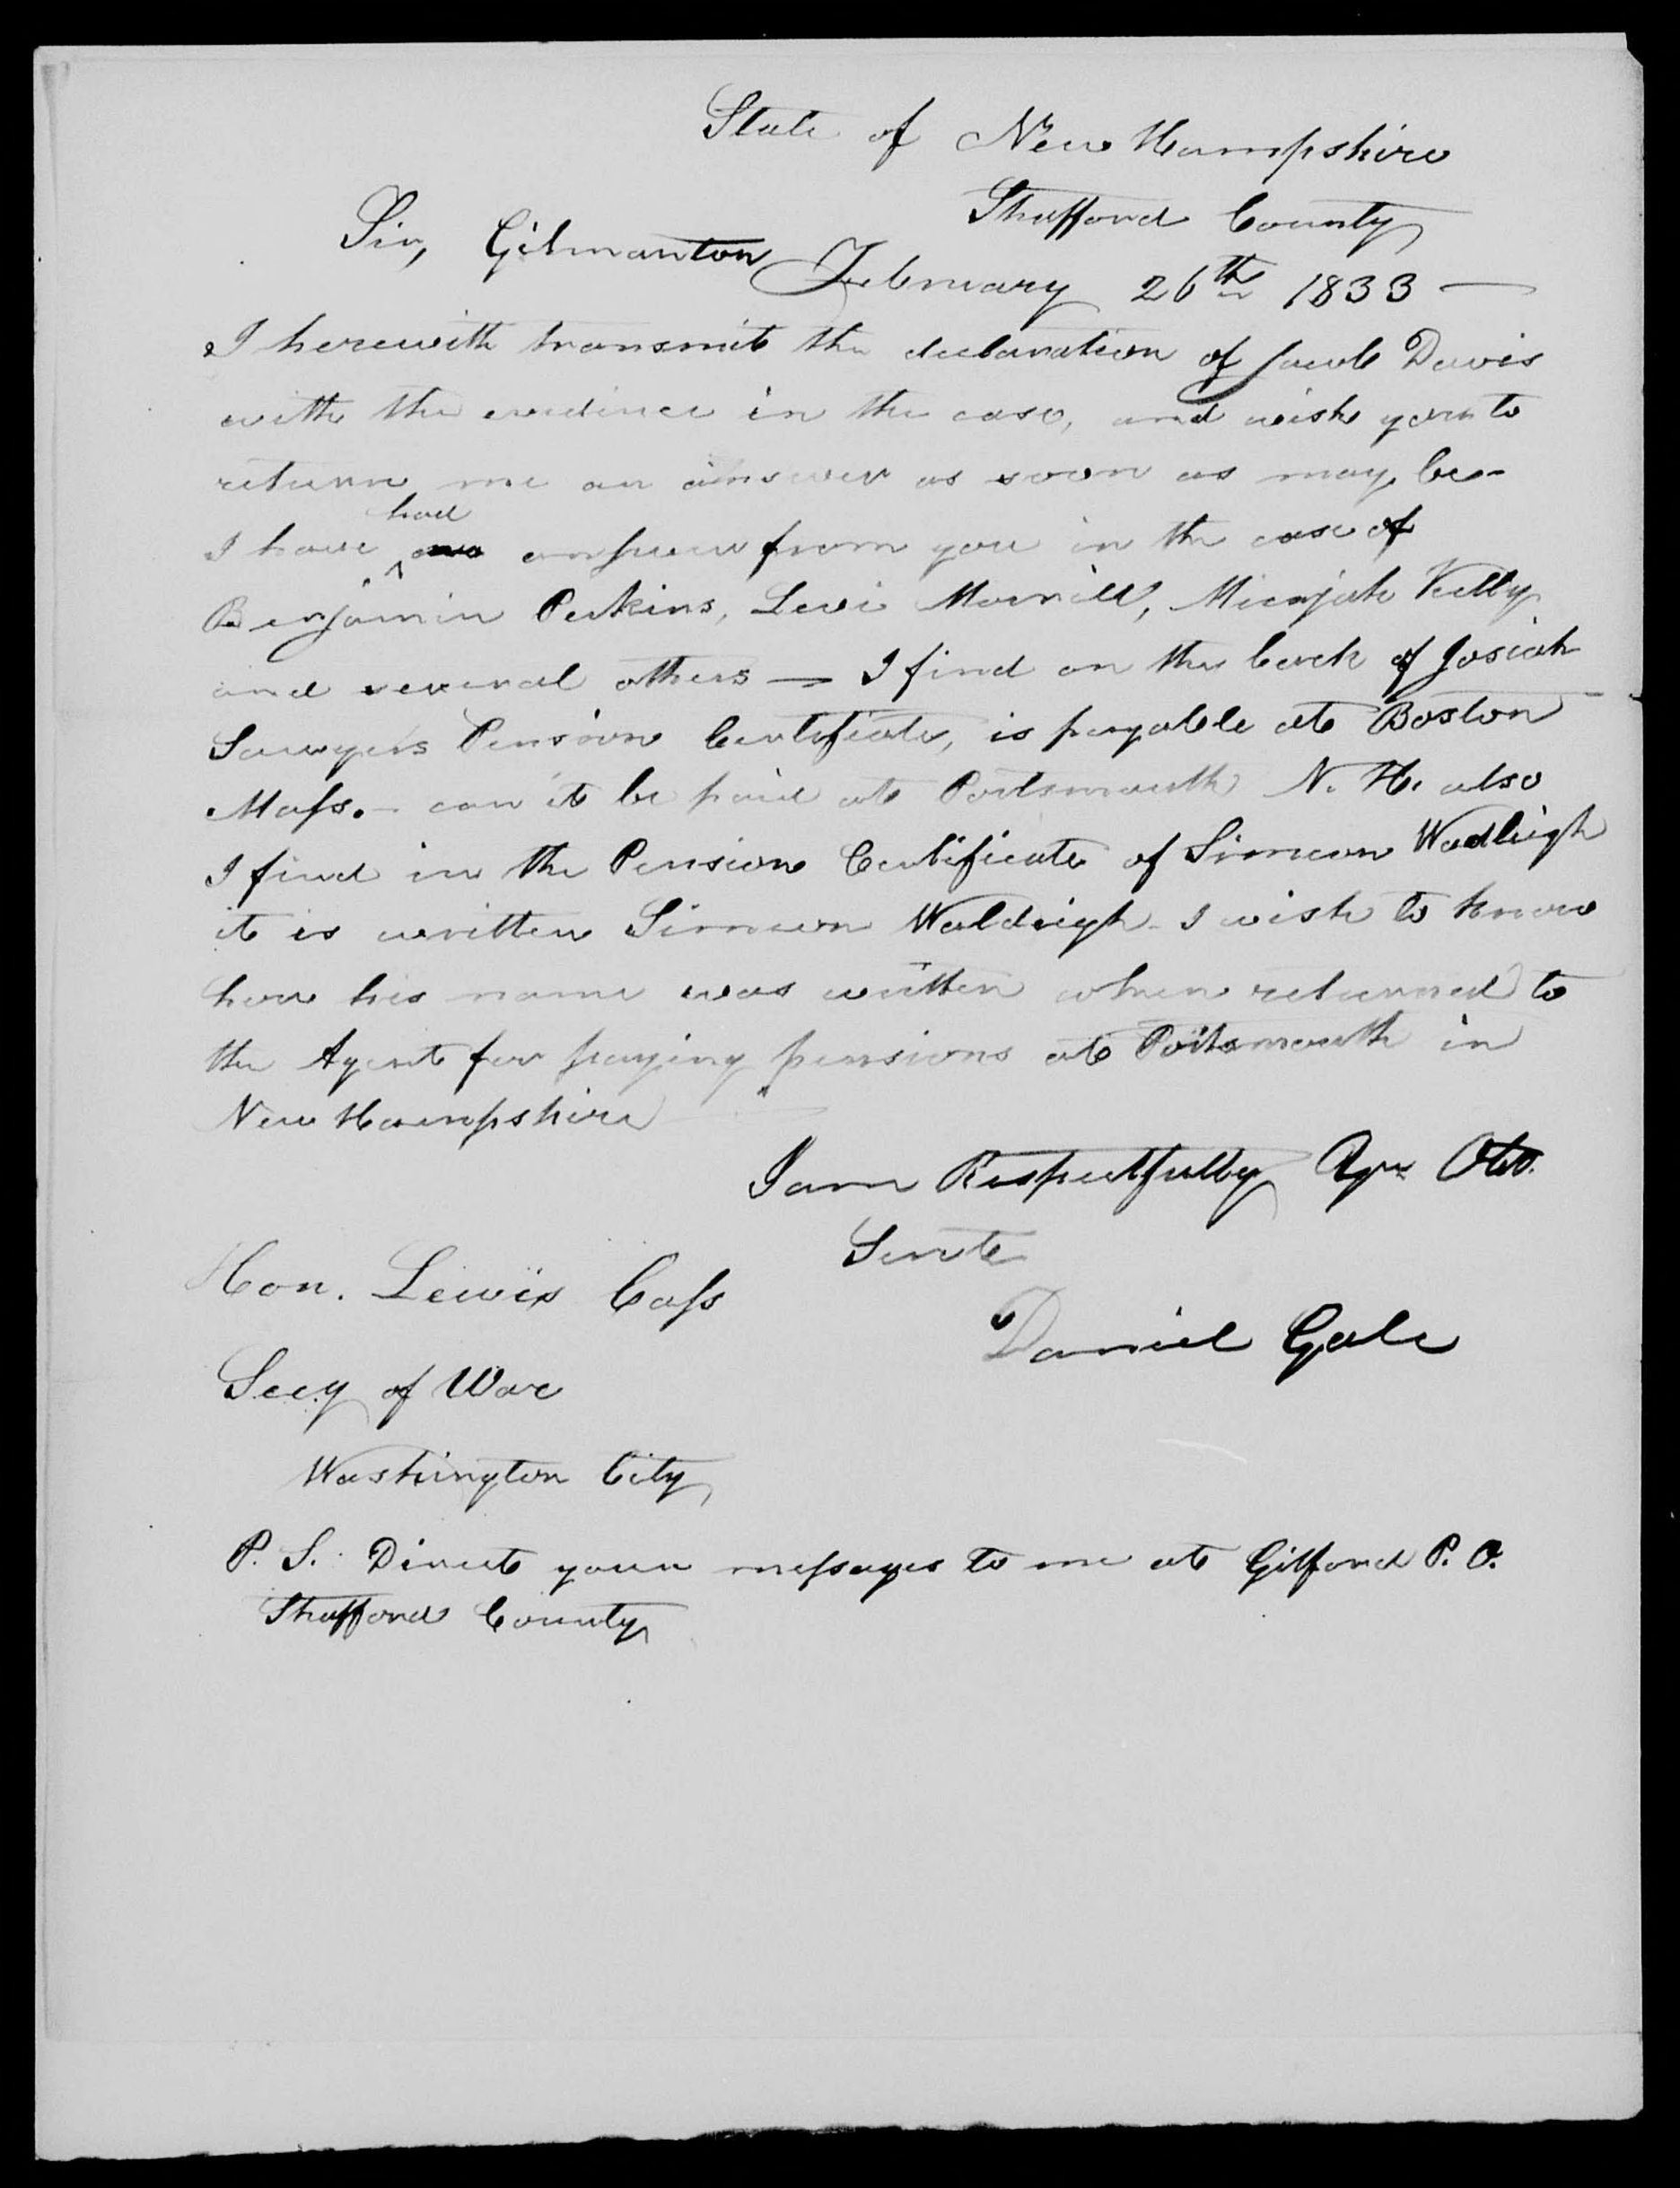State of New Hampshire
Strafford County
Gilmanton February 26th 1833-
Sir,
I herewith transmit the declaration of Jacob Davis with the evidence in the case, and wish you to return me an answer as soon as may be - I have had no answers from you in the case of Benjamin Perkins, Levi Morrill, Micajah Kelly and several others-- I find on the back of Josiah Sawyer's Pension Certificate, is payable at Boston Mass can it be paid at Portsmouth N.H. also I find in the Pension Certificate of Simeon Wadleigh it is written Simeon Waldeigh, I wish to know
how his name was written when returned to the Agent for paying pensions at Portsmouth in New Hampshire
I am Respectfully  Yr Obt Servt
Daniel Gale
Hon. Lewis Cass
Secy of War
Washington City
P.S. Direct your messages to me at Gilford P. O.
Strafford County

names: Levi Morrell, Simeon Waldeigh, Micajah Kelly, Jacob Davis, Josiah Sawyers, Benjamin Perkins, Lewis Cass, Daniel Gale, Simeon Wadleigh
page: 42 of 47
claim: widow's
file: W. 24043, Jacob Davis, N.H.